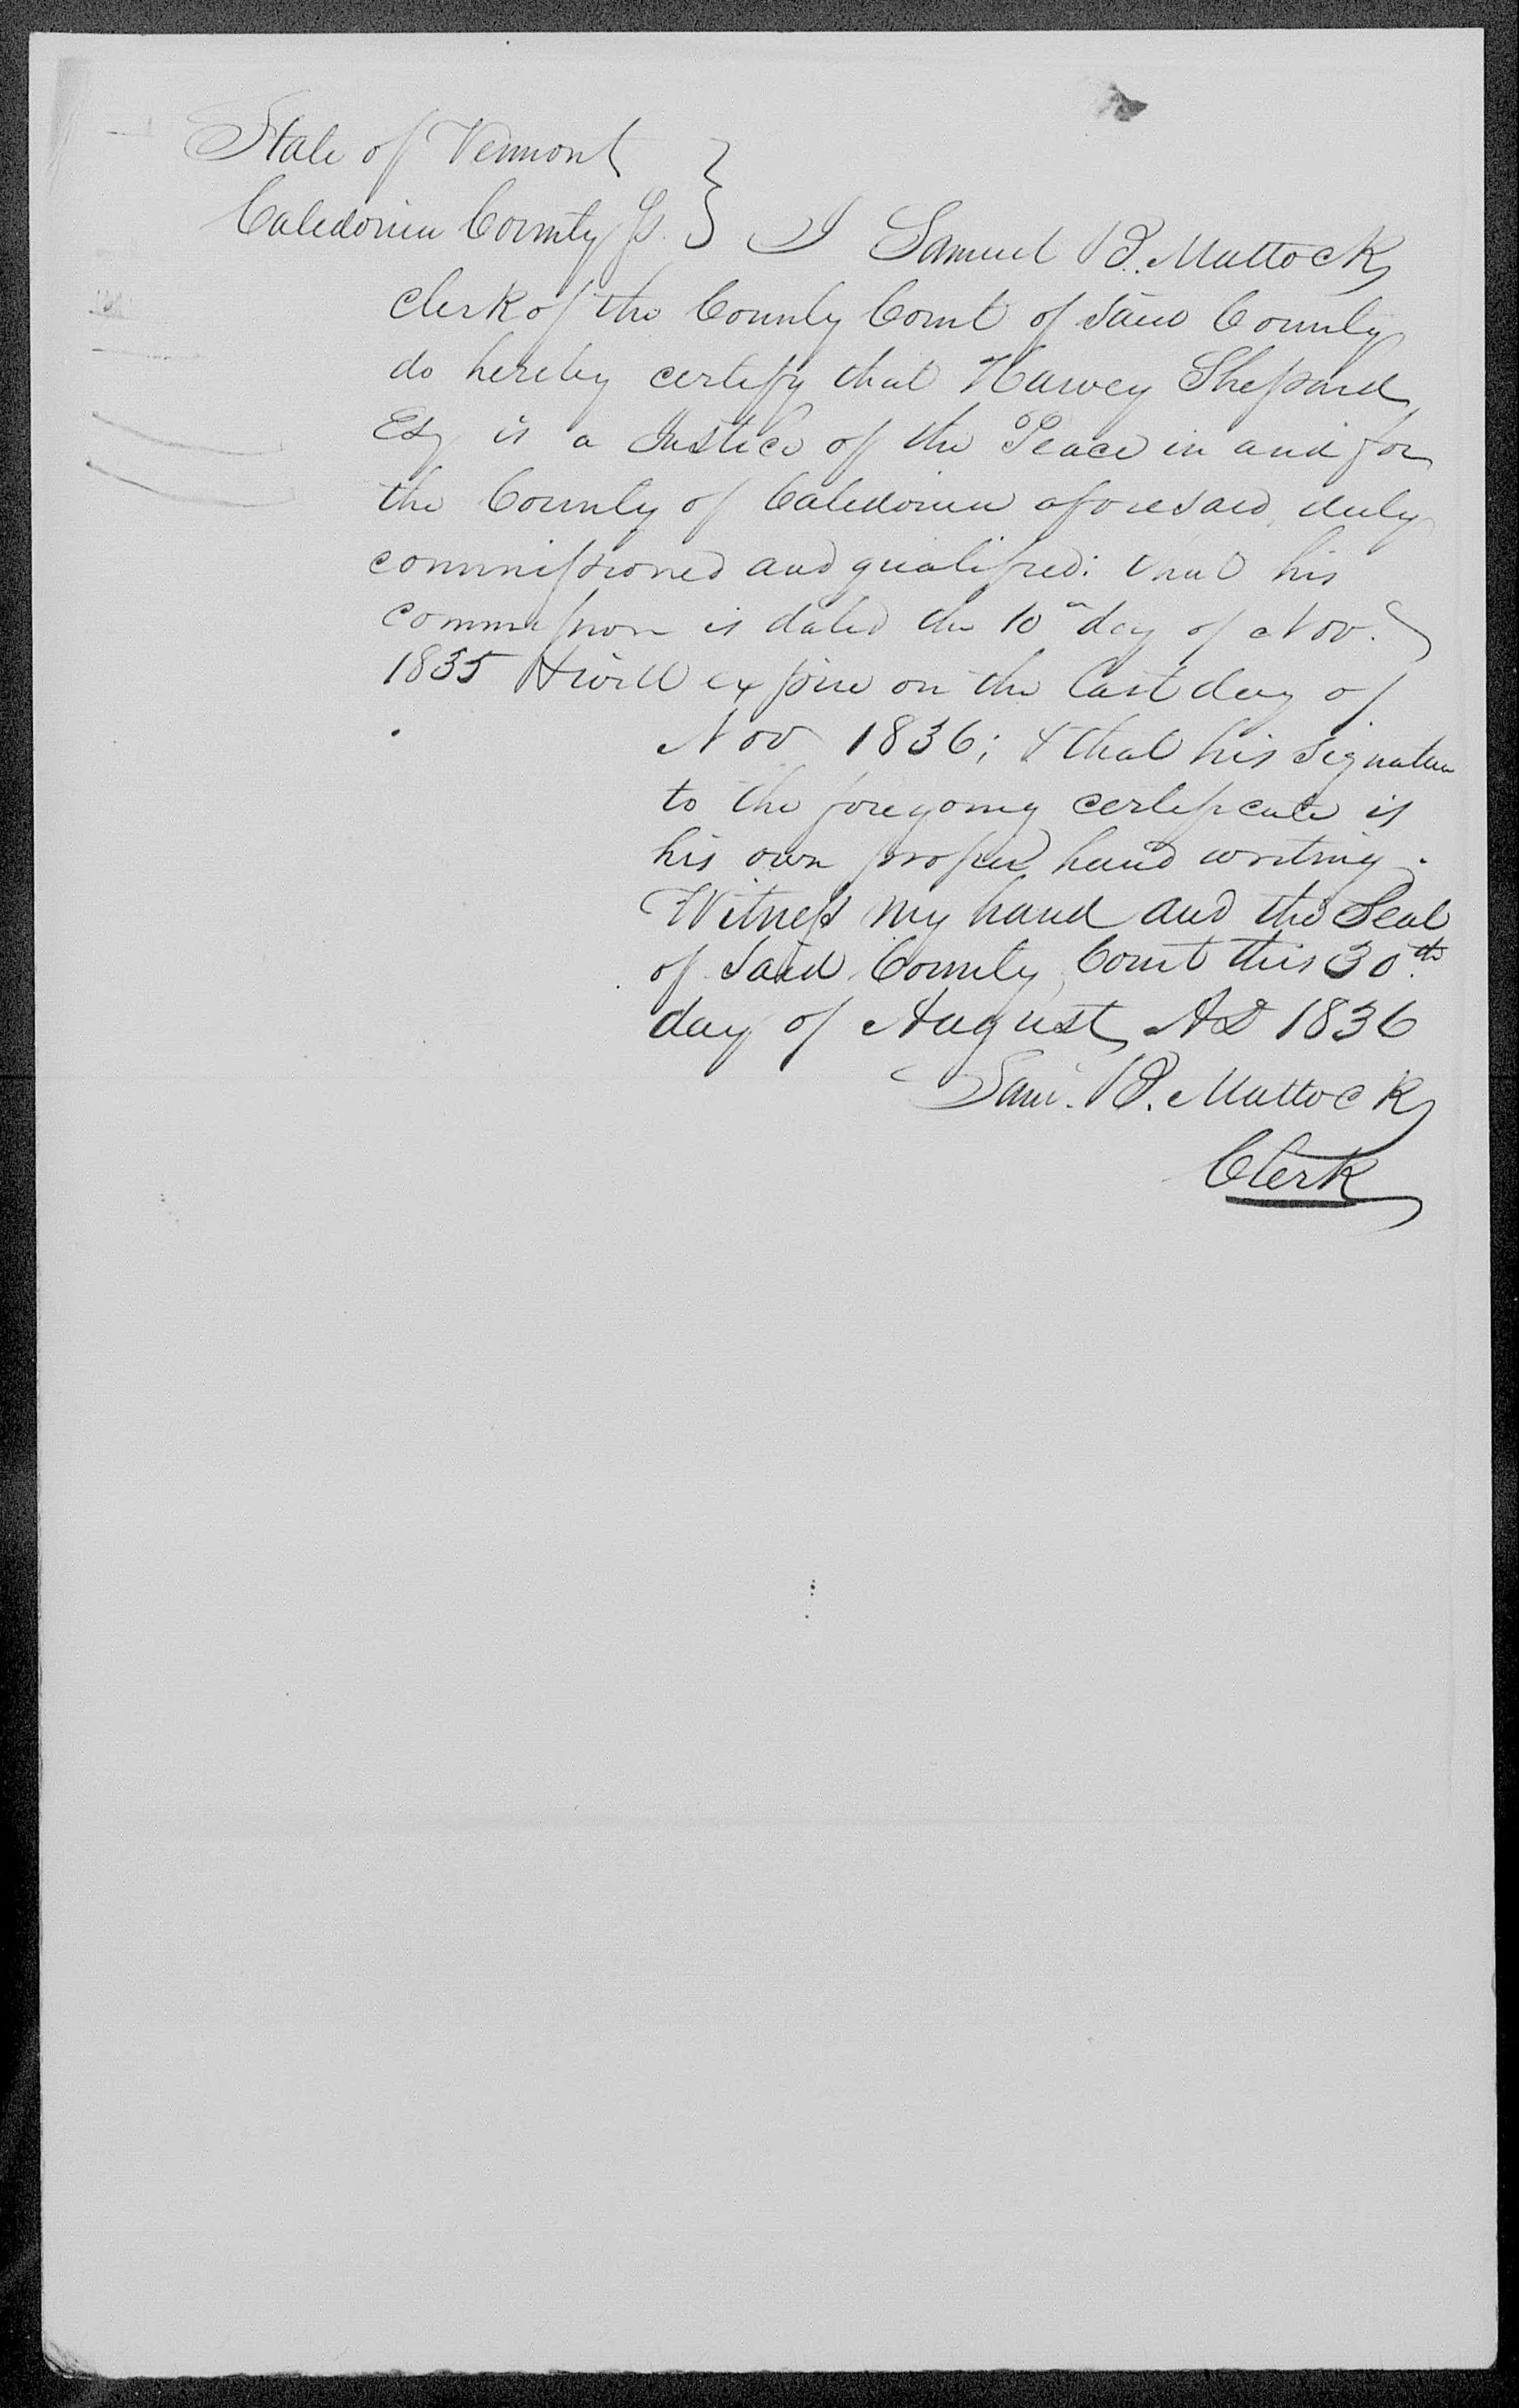State of Vermont
Caledonia County ss}
I Samuel B Mattock Clerk of the County Court of said County do hereby certify that Harvey Shepard Esq. is a Justice of the Peace in and for the County of Caledonia aforesaid duly commissioned and qualified and his comma from is dated do 10 day of above 1835 and will expire on the last day of Nov. 1836. That his signature to the foregoing certificate is his own proper hand writing. 
Witness my hand and the seal of said court this 30th day of August AD 1836.
Saml. B Mattock 
Clerk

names: Samuel B Mattock, Harvey Shepard, Sam B Mattock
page: 59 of 83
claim: widow's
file: W. 10,384, Oliver Barrett, Continental (Vt.) N.Y.